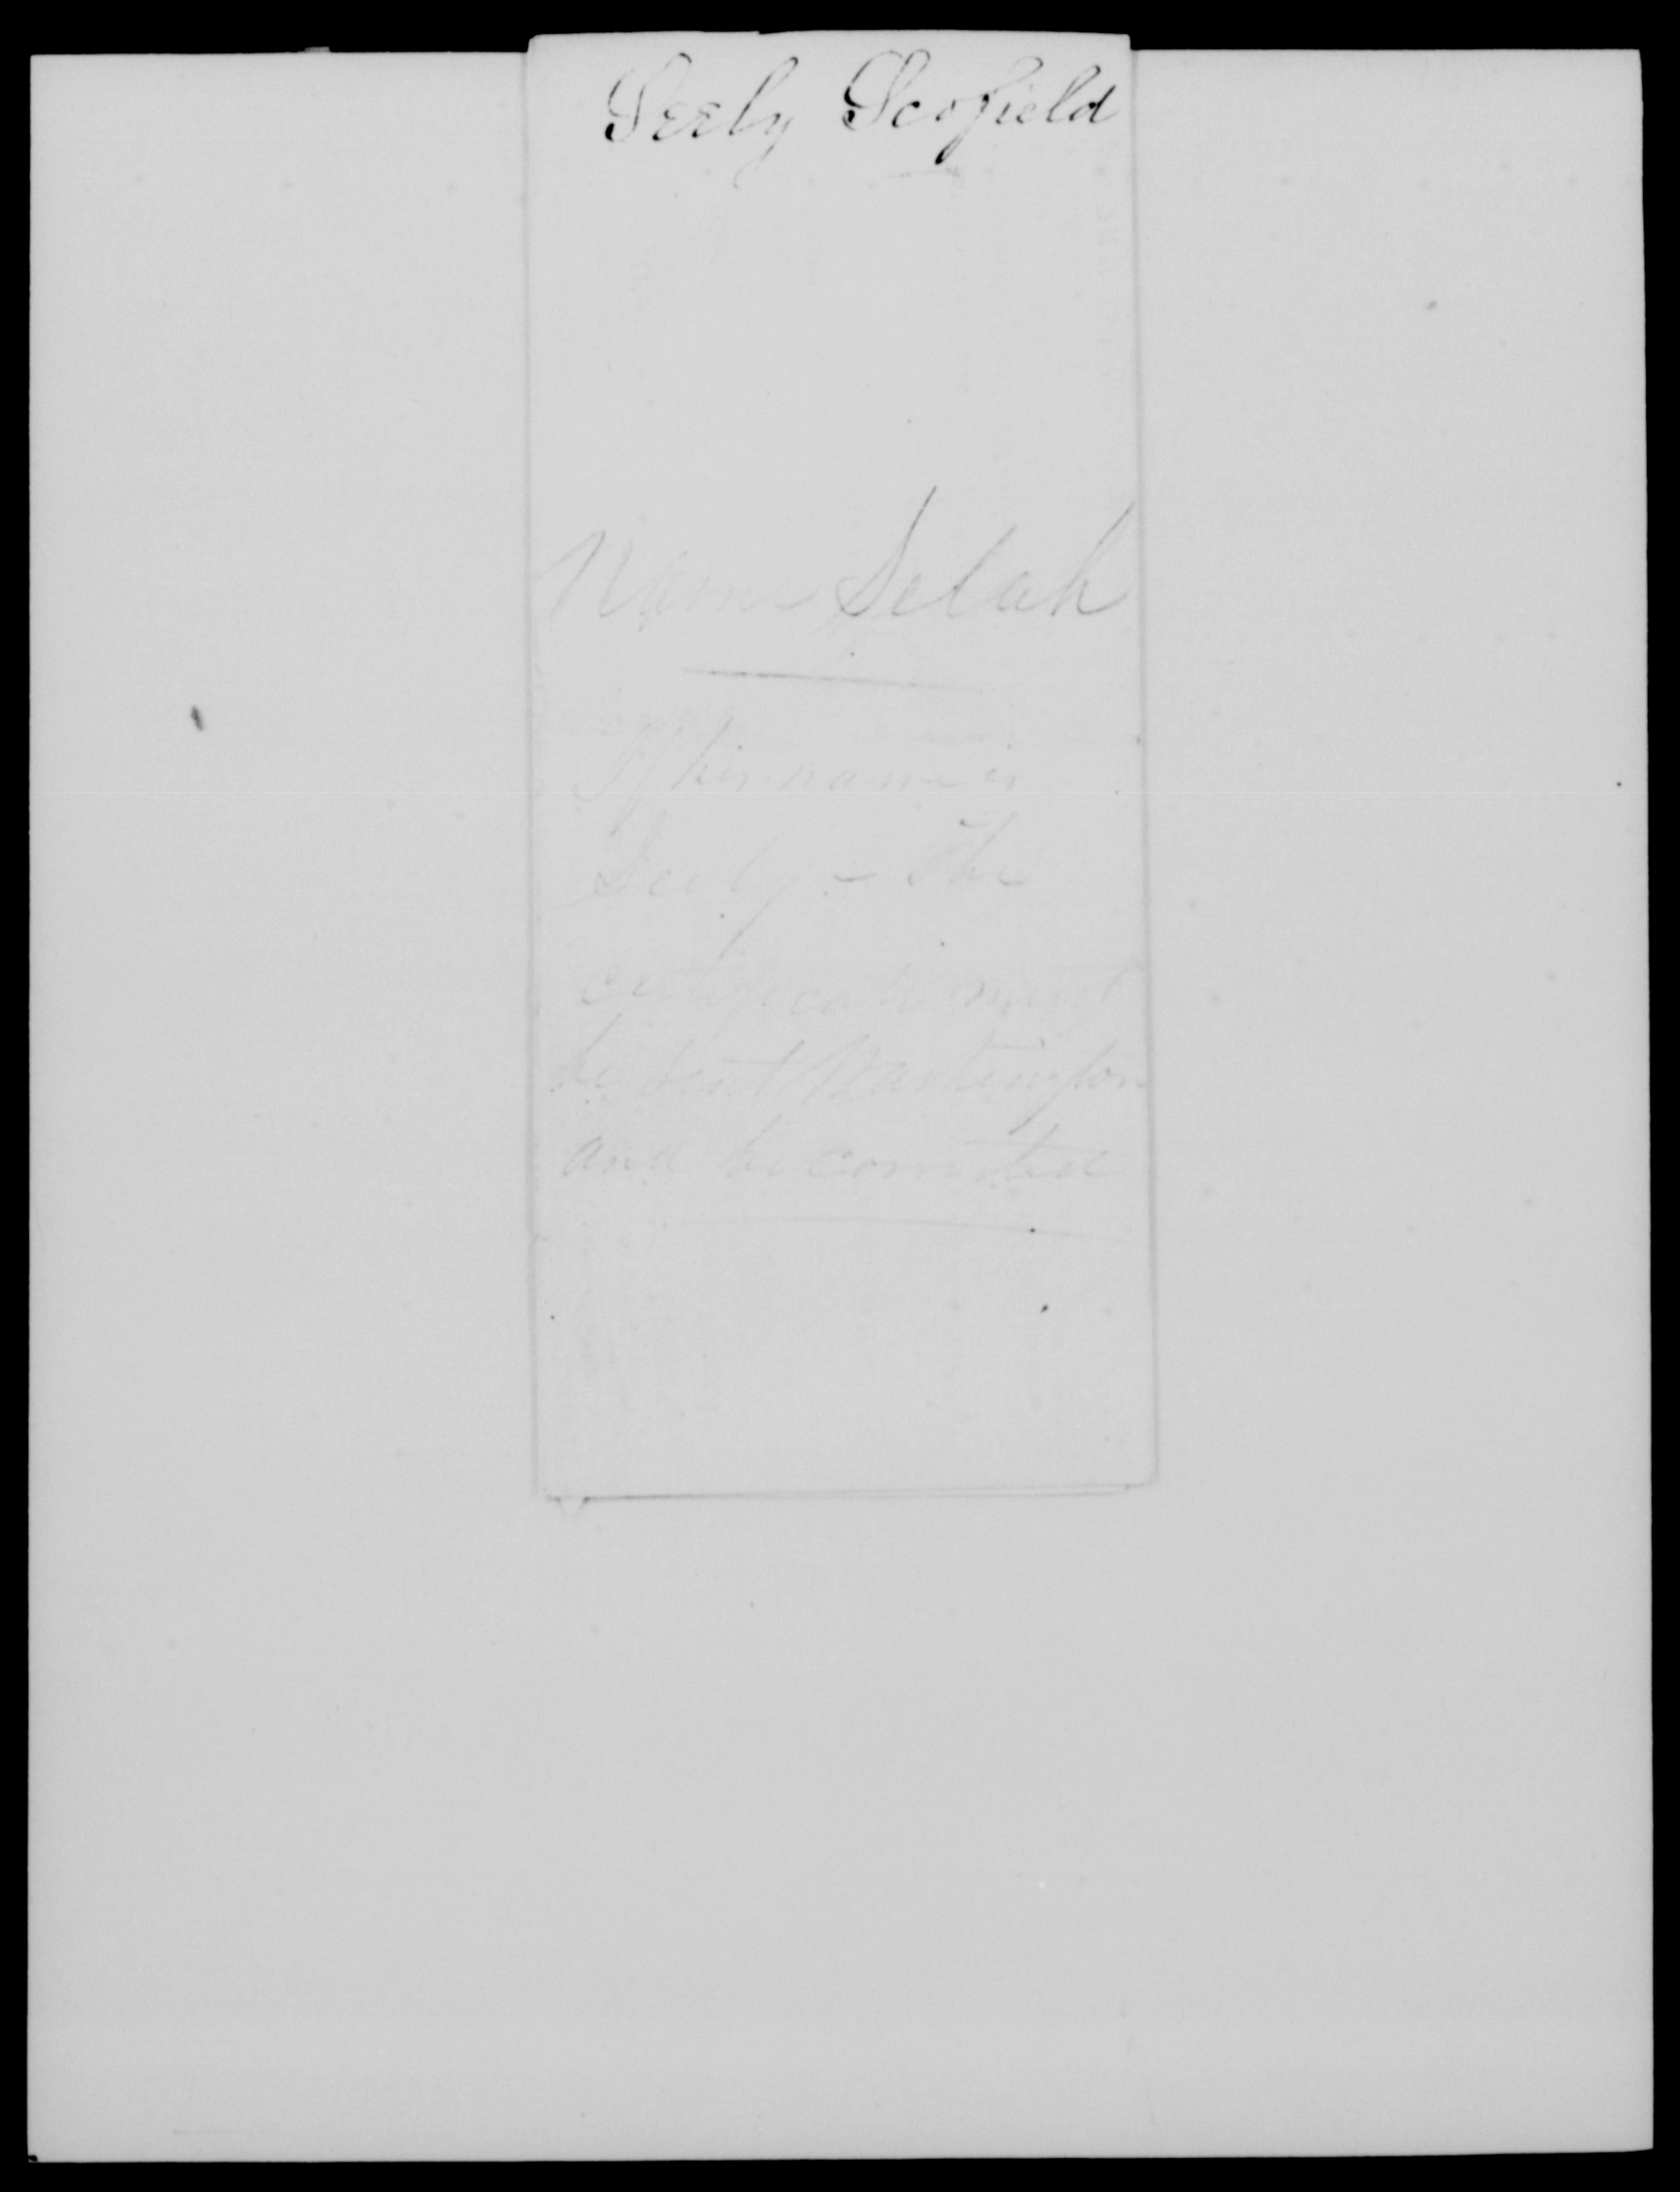Seely Scofield
Name Selah
If his name is Seely – the certificate must be sent Washington and be corrected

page: 10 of 36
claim: survivor's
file: S. 10,004, for Seely Scofield, Connecticut